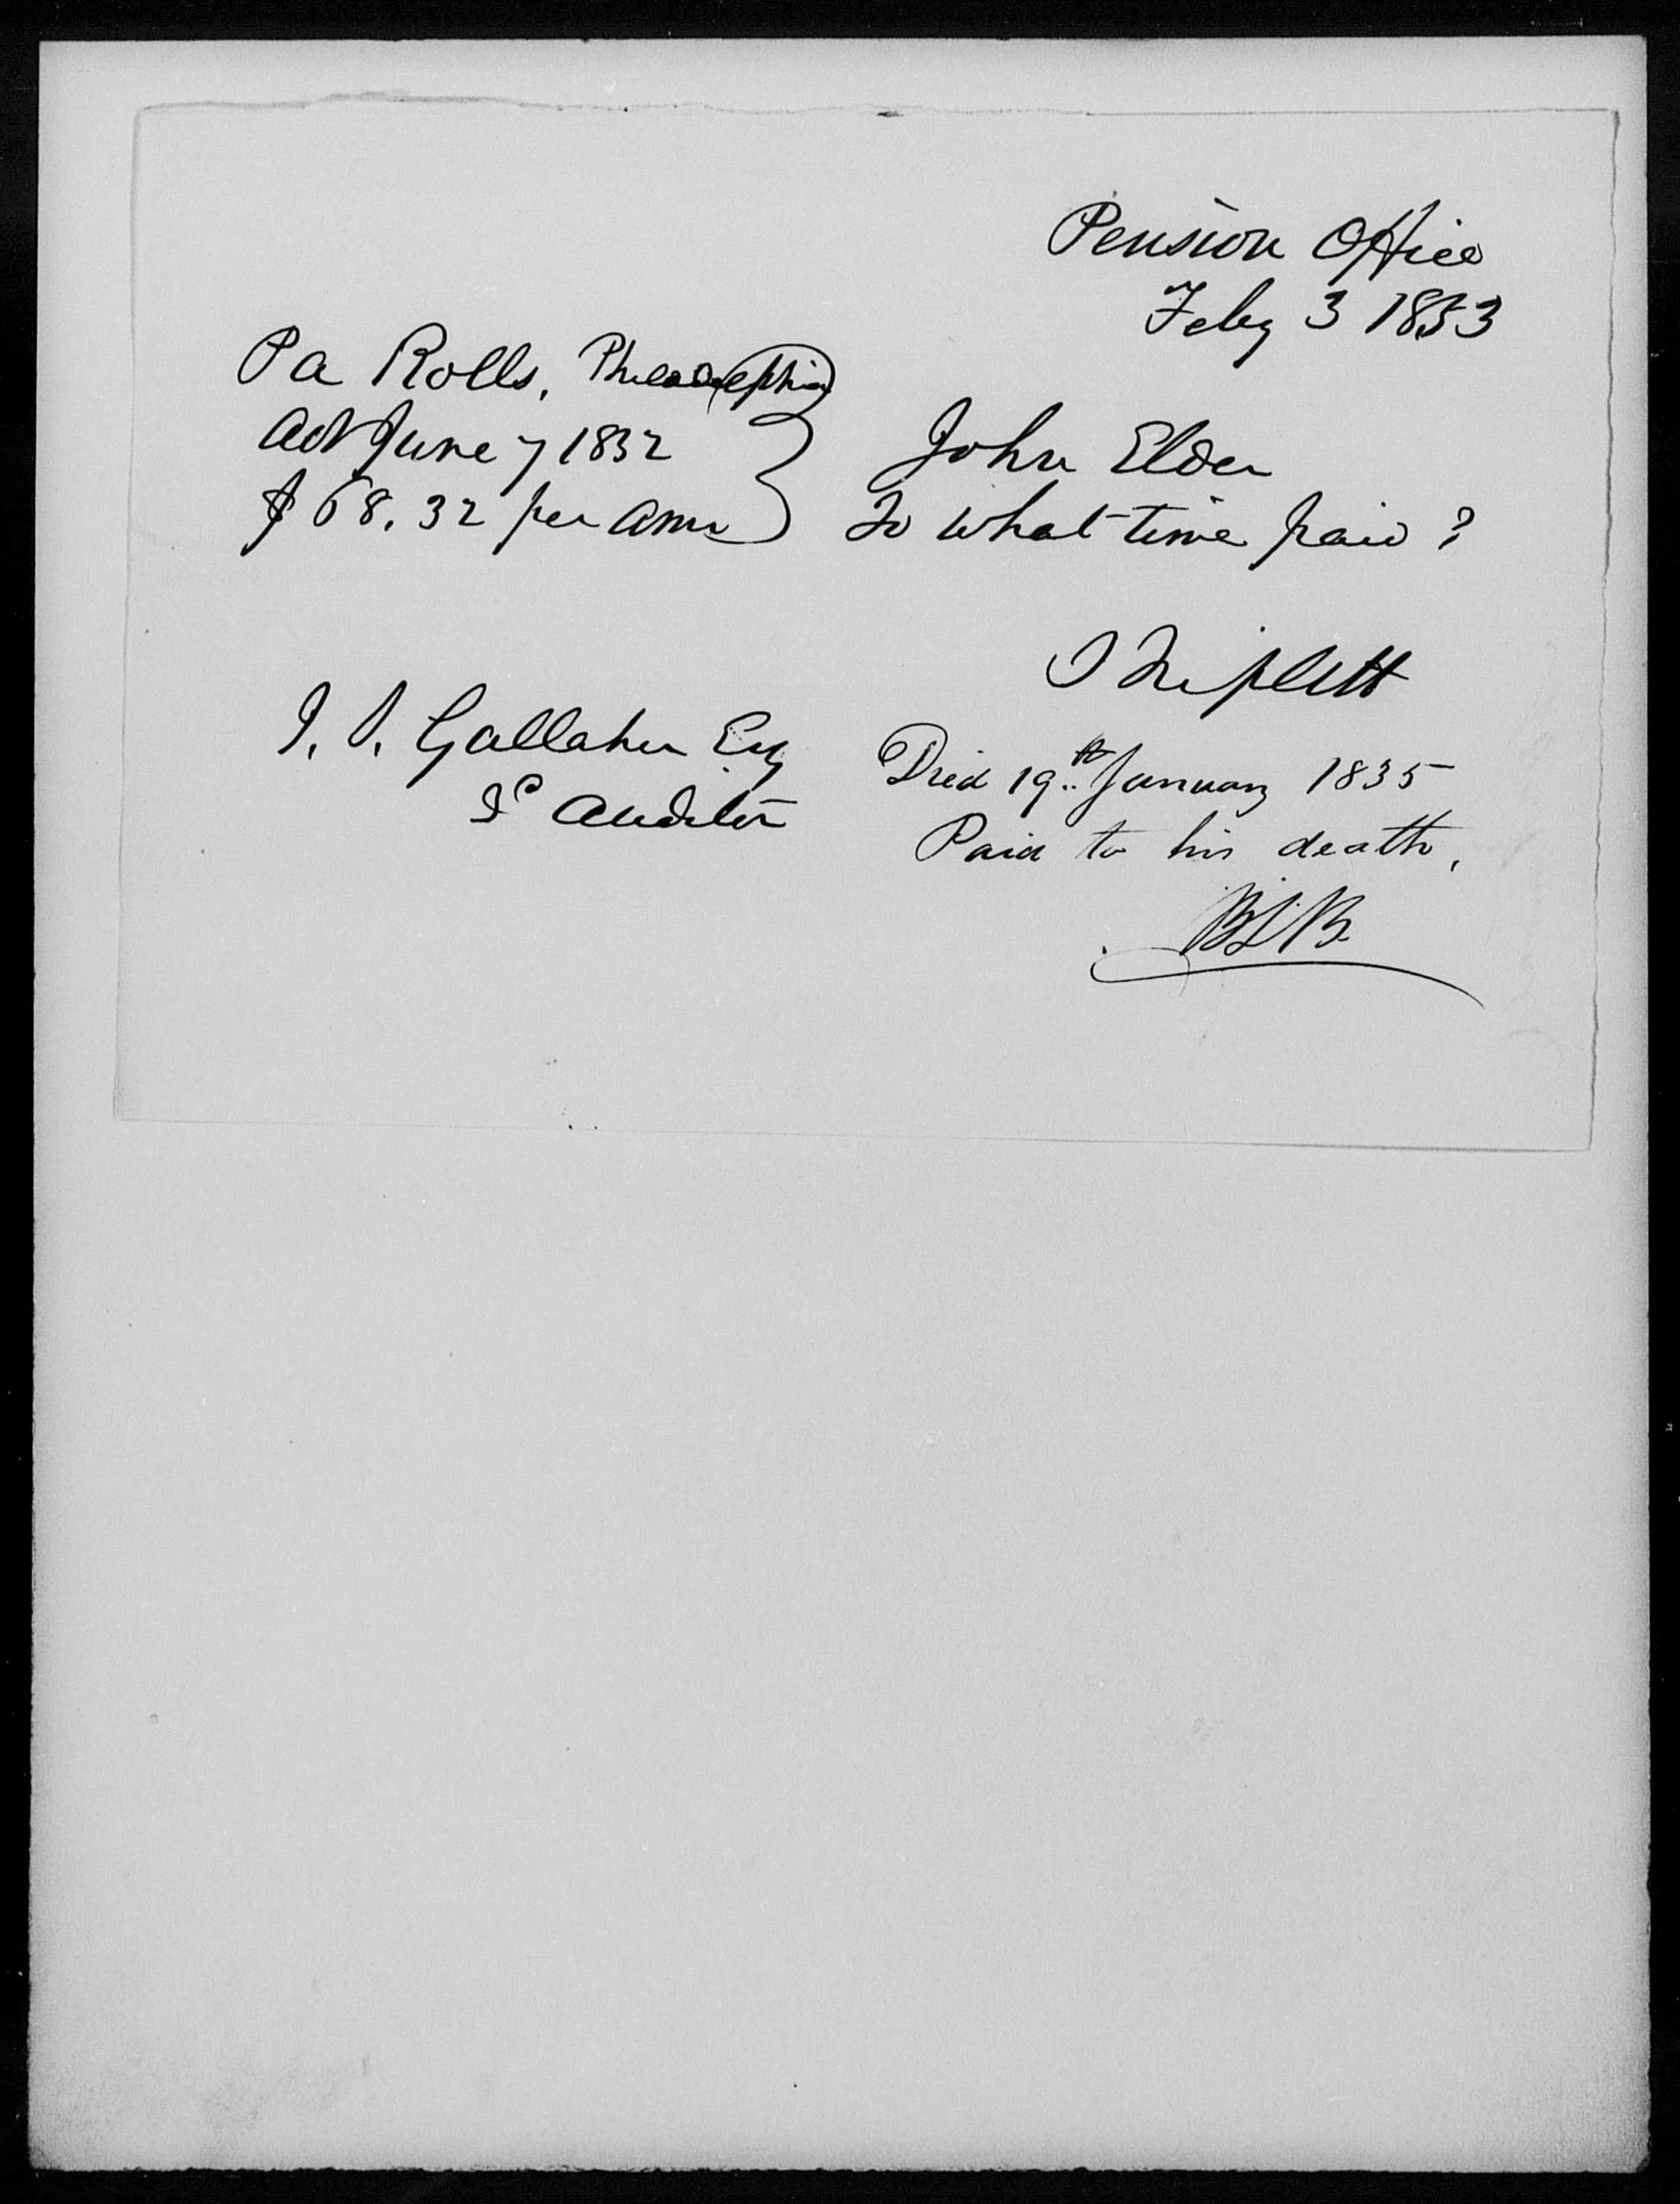Pension Office
Feb 3 1833
PA Rolls, Philadelphia
(illegible) June 7 1832
$68.32 per (illegible) 

John Elder
To what- time said?
T Triplett

J. S. Gallagher (illegible)  Died 19th January 1835
Paid to his death,
BLB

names: J S Gallaher, John Elder, T Triplett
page: 44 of 80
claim: widow's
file: W. 24117, John Elder, Penn.